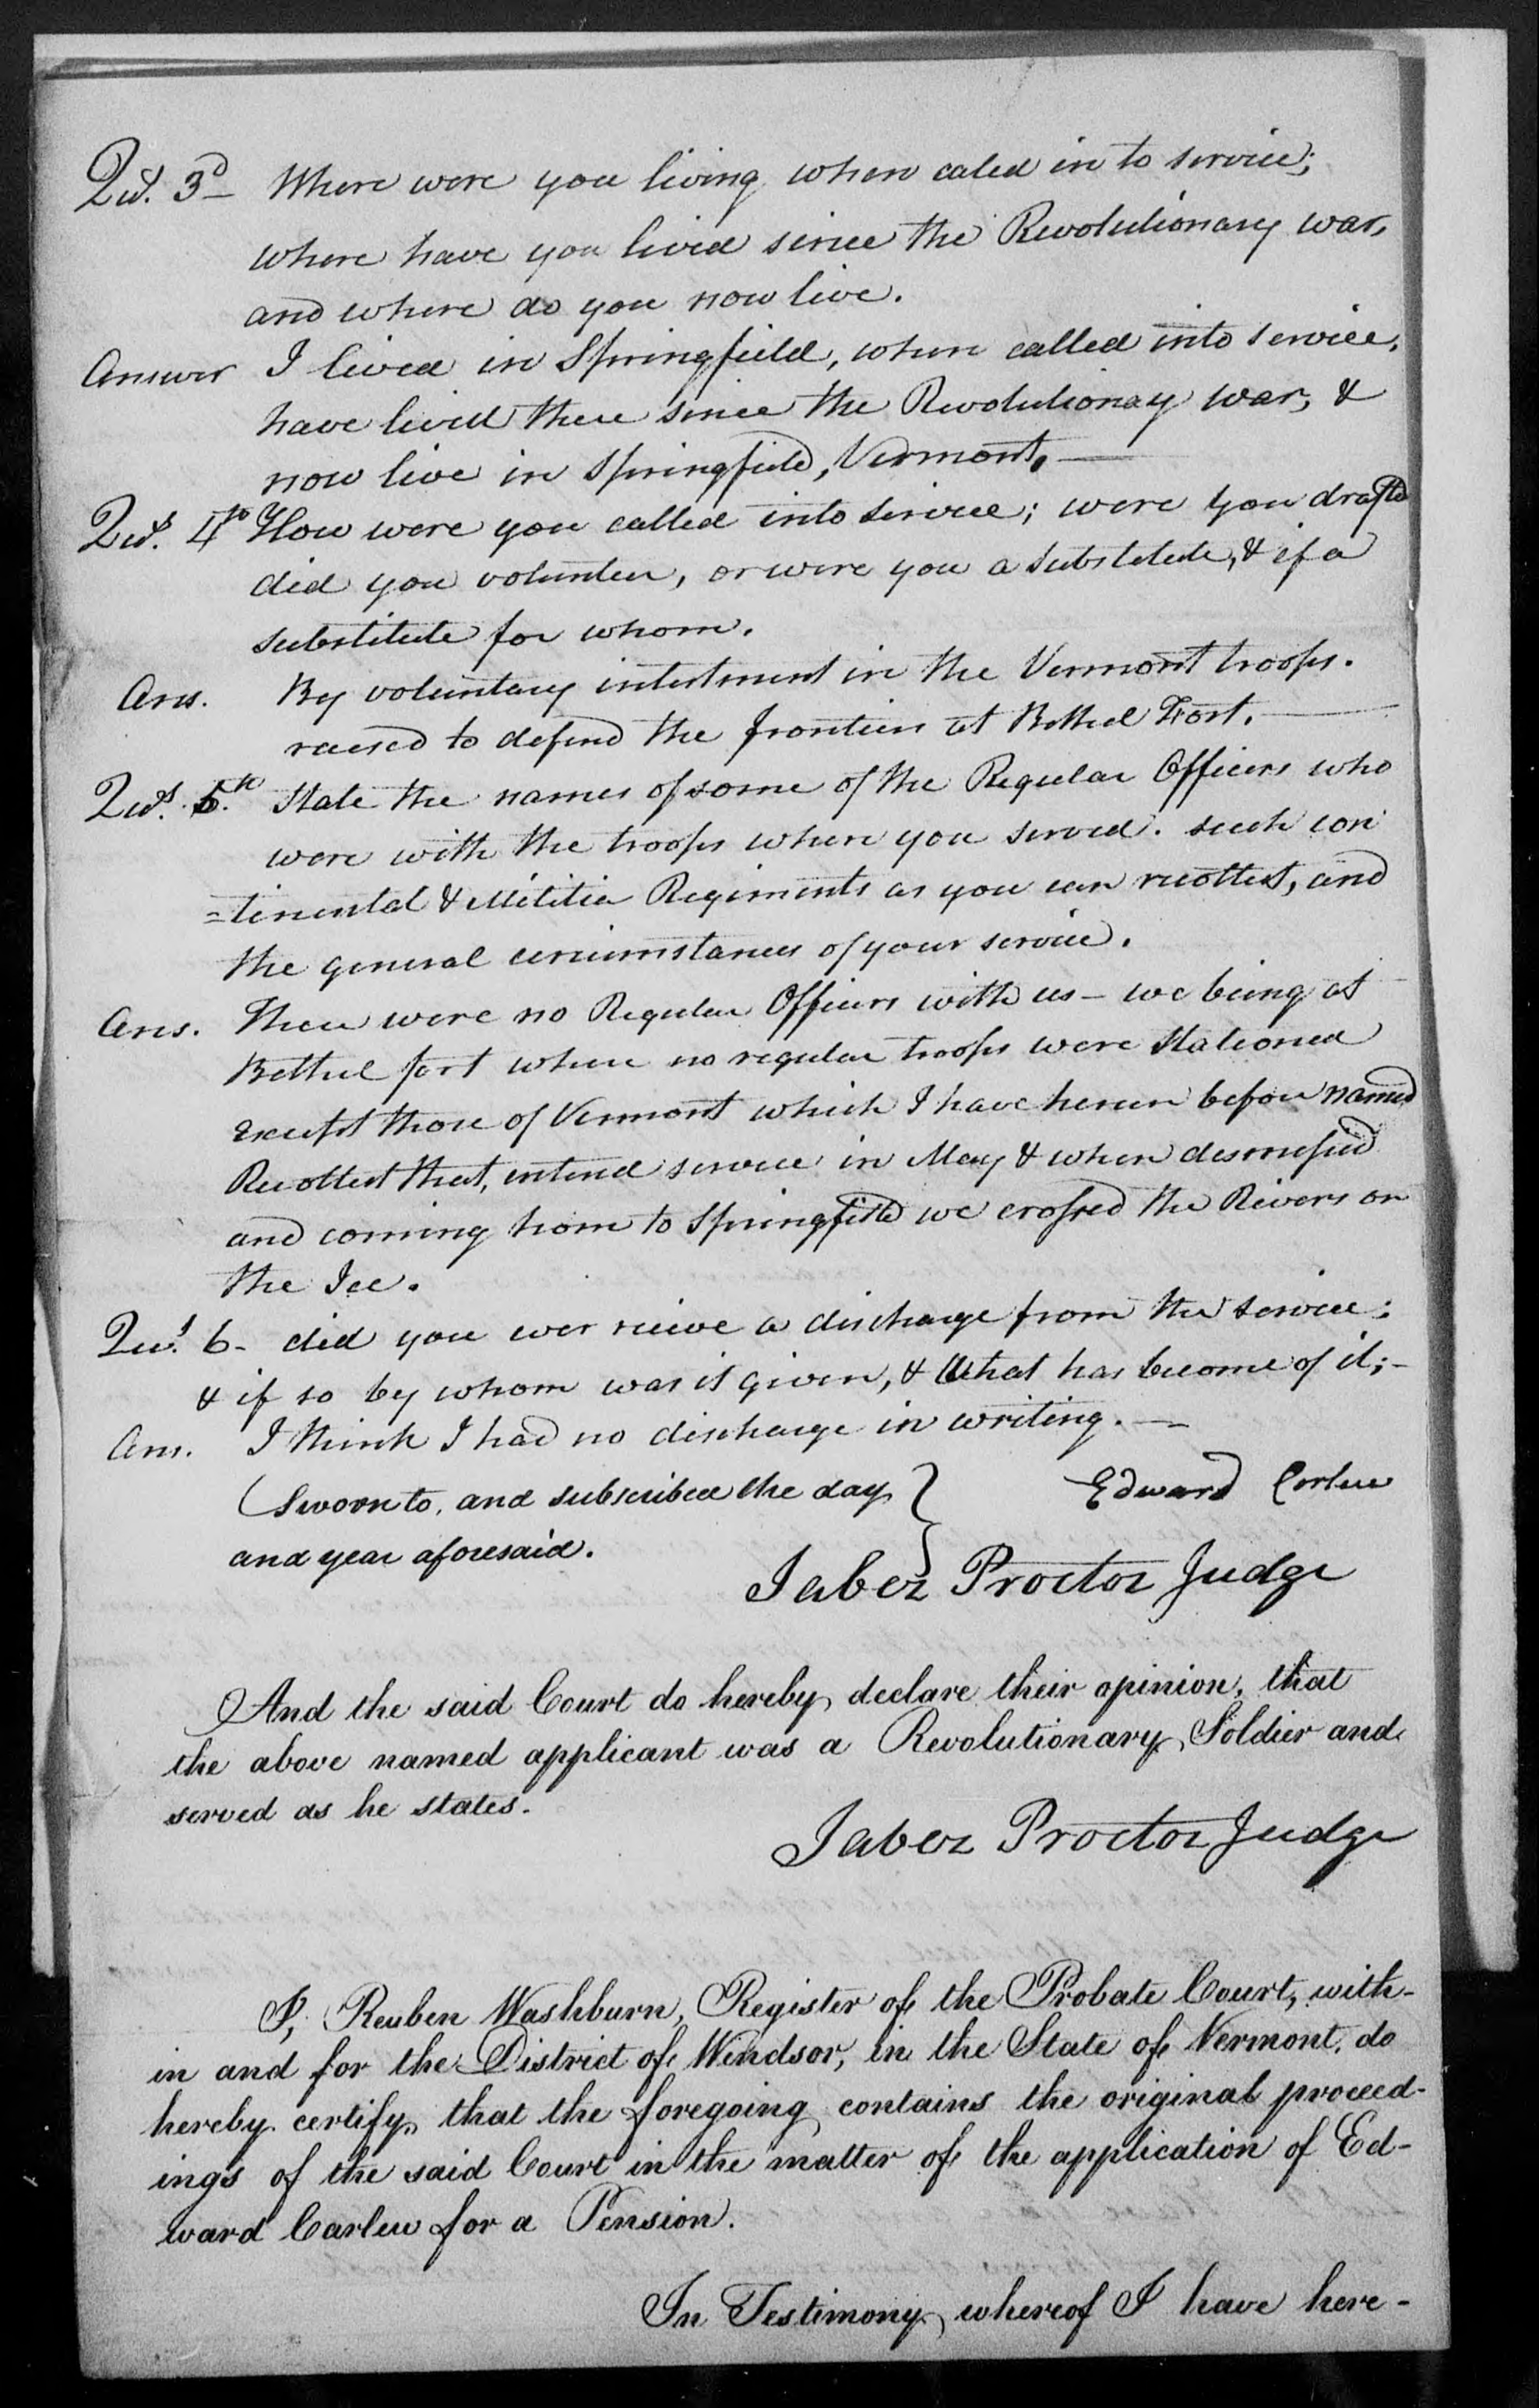Qu'n 3d - Where were you living when caled into service; where have you lived since the Revolutionary war, and where do you now live.
Answer I lived in Springfield, when called into service, have lived there since the Revolutionary war, + now live in Springfield, Vermont. - 
Qu'n 4th How were you called into service; were you drafter did you volunteer, or were you a substitute, + if a substitute for whom.
Ans. By voluntary inlistment in the Vermont troops. raised to defend the frontier at Bethel Fort. - 
Qu'n. 5th State the names of some of the Regular Officers who were with the troops when you served. such continental + militia Regiments as you can recollect, and the general circumstances of your service.
Ans. There were no Regular Officers with us - we being at Bethel fort where no regular troops were stationed except those of Vermont which I have herein before named Recollect that, entered service in May + when dismissed and coming from to Springfield we crossed the Rivers on the Jec.
Qu'n. 6 - did you ever receive a discharge from the service; + if so by whom was it given, + what has become of it; - 
Ans. I think I had no discharge in writing. - 
/s/Edward Corlew
Sworn to, and subscribed the day and year aforesaid.} /s/Jabez Proctor Judge

And the said Court do hereby declare their opinion, that the above named applicant was a Revolutionary Soldier and served as he states.
/s/Jabez Proctor Judge

I, Reuben Washburn, Register of the Probate Court, within and for the District of Windsor, in the State of Vermont, do hereby certify, that the foregoing contains the original proceedings of the said Court in the matter of the application of Edward Corlew for a Pension.
In Testimony whereof I have here-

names: Edward Corlew, Jabez Proctor, Edward Corlew, Reuben Washburn, Jabez Proctor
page: 5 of 18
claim: survivor's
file: S. 21,702, Edward Corlew, Vt.